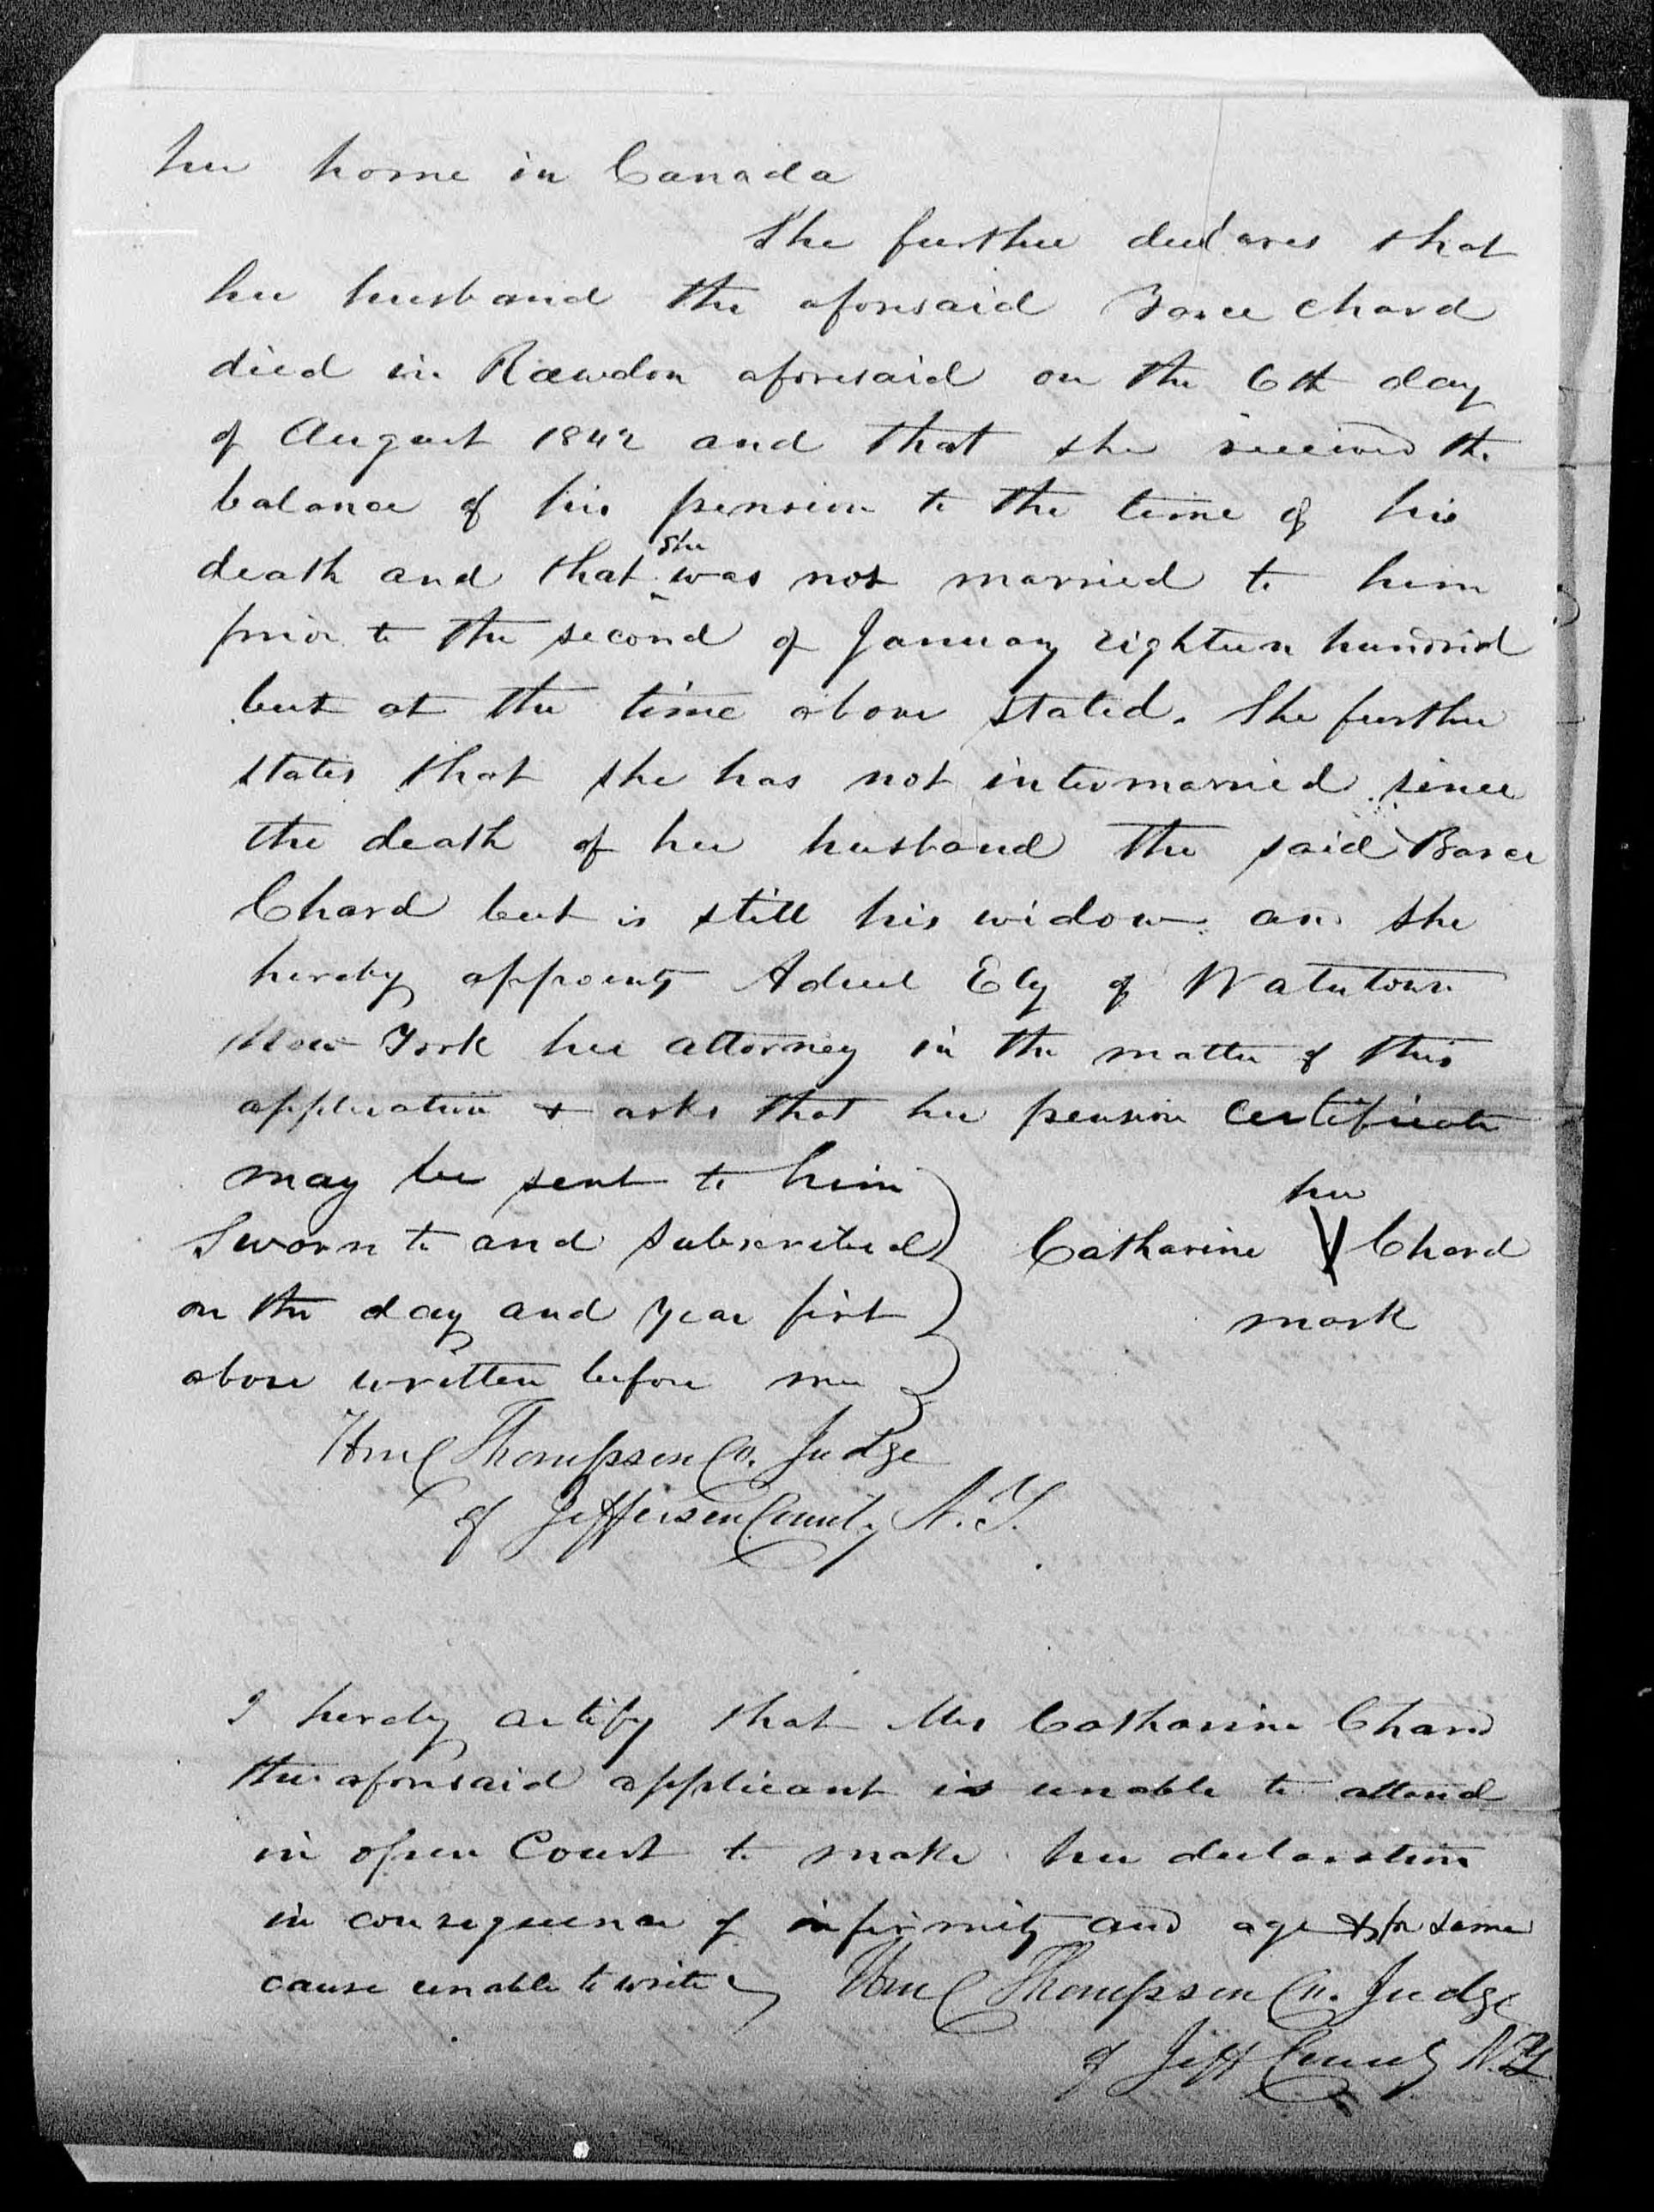her home in Canada
She further declares that her husband the aforesaid Barce Chard died in Rawdon aforesaid on the 6th day of August 1842 and that she received the balance of his pension to the time of his death and that she was not married to him prior to the second of January Eighteen hundred but at the time above stated. She further states that she has not intermarried since the death of her husband the said Barce Chard but is still his widow and she hereby appoints Adriel Ely of Watertown New York her attorney in the matter of this application & asks that her pension certificate may be sent to him
Catharine (X her mark) Chard 
Sworn to and subscribed on the day and year first above written before me 
Wm C Thompson 
Co. Judge of Jefferson County N.Y.

I hereby certify that Mrs Catherine Chard the aforesaid applicant is unable to attend in open Court to make her declaration in consequence of infirmity and age & for same cause unable to write 
Wm C Thompson 
Co. Judge of Jeff County N.Y.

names: Barce Chard, Thompson, Catharine Chard, Thompson, Barce Chard, Adriel Ely, Catharine Chard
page: 10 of 47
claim: widow's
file: W. 10,602, Barce Chard, New York.